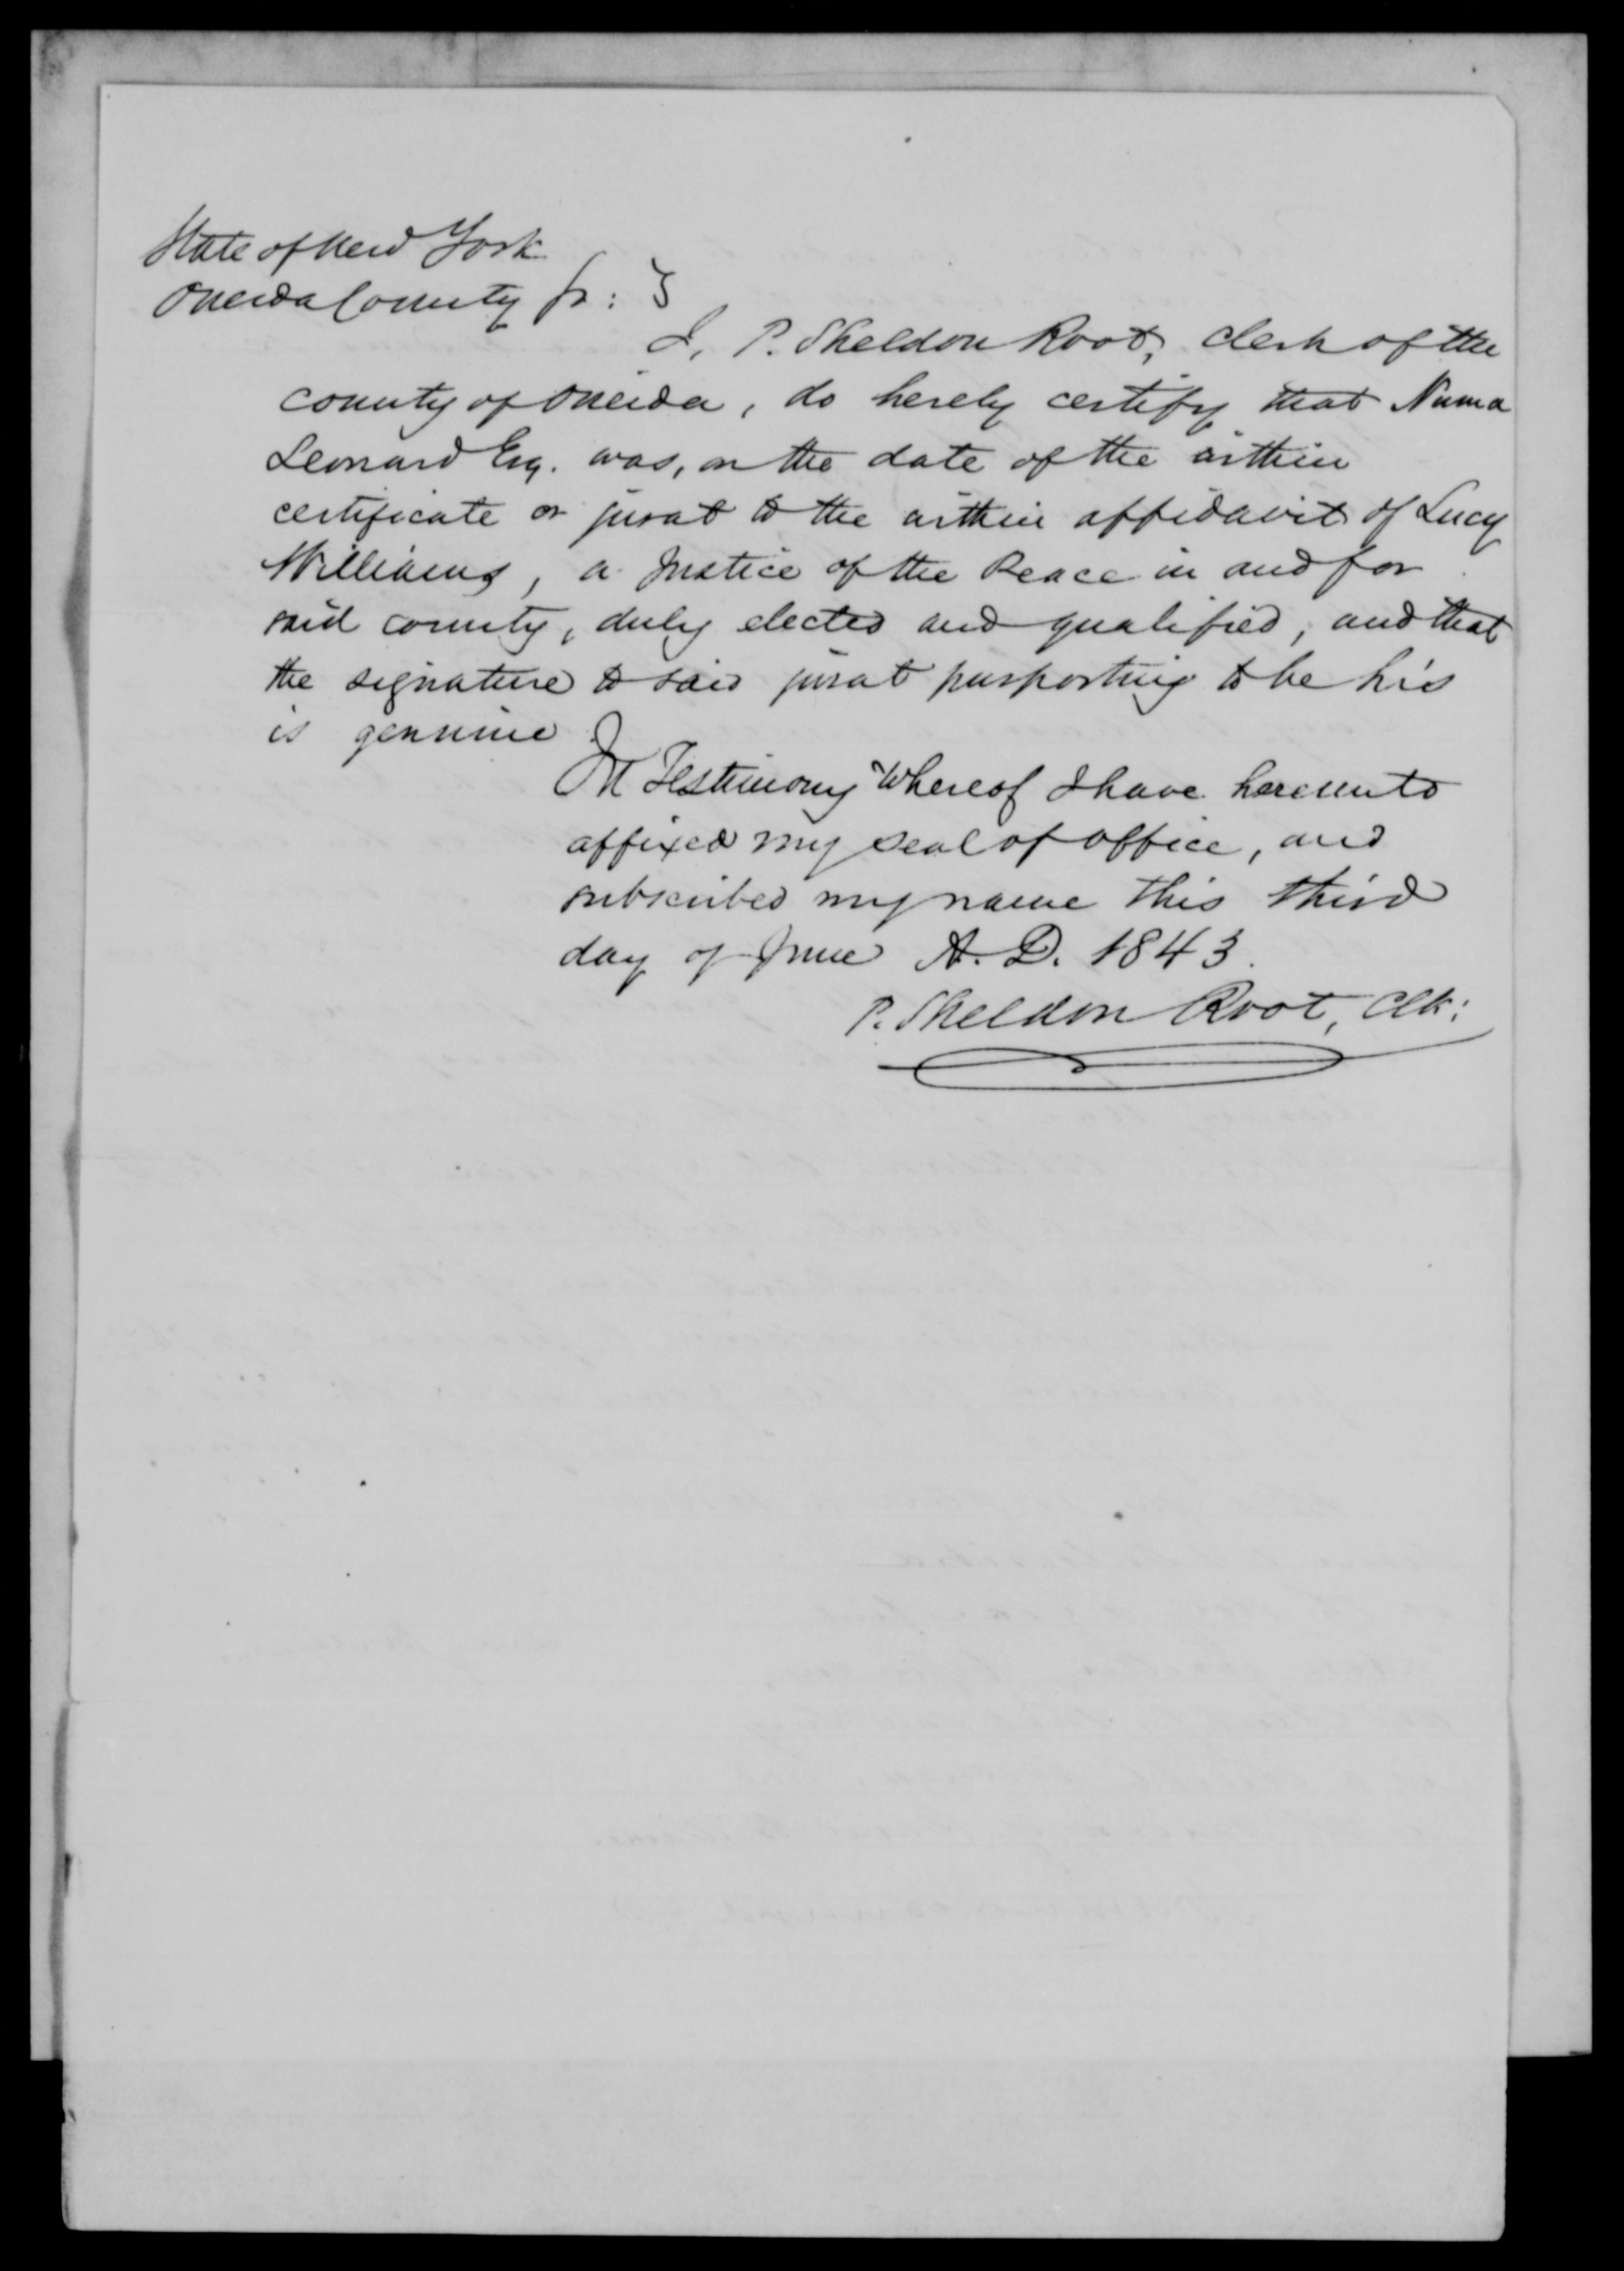State of New York Oneida County ss
I P. Sheldon Root, clerk of the County of Oneida, do hereby certify that Numa Leonard Esq. was, on the date of the written certificate or jurat to the written affidavit of Lucy Williams, a Justice of the Peace in and for said county, duly elected and qualified, and that the signature to said jurat purporting to be his is genuine. 
In testimony whereof I have hereunto affixed my seal of office, and subscribed my name this third day of June A. D. 1843
P. Sheldon Root, Clk.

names: Numa Leonard, Lucy Williams, P Sheldon Root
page: 24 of 63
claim: widow's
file: W. 22,632, David Williams, Conn. Continental Privateer